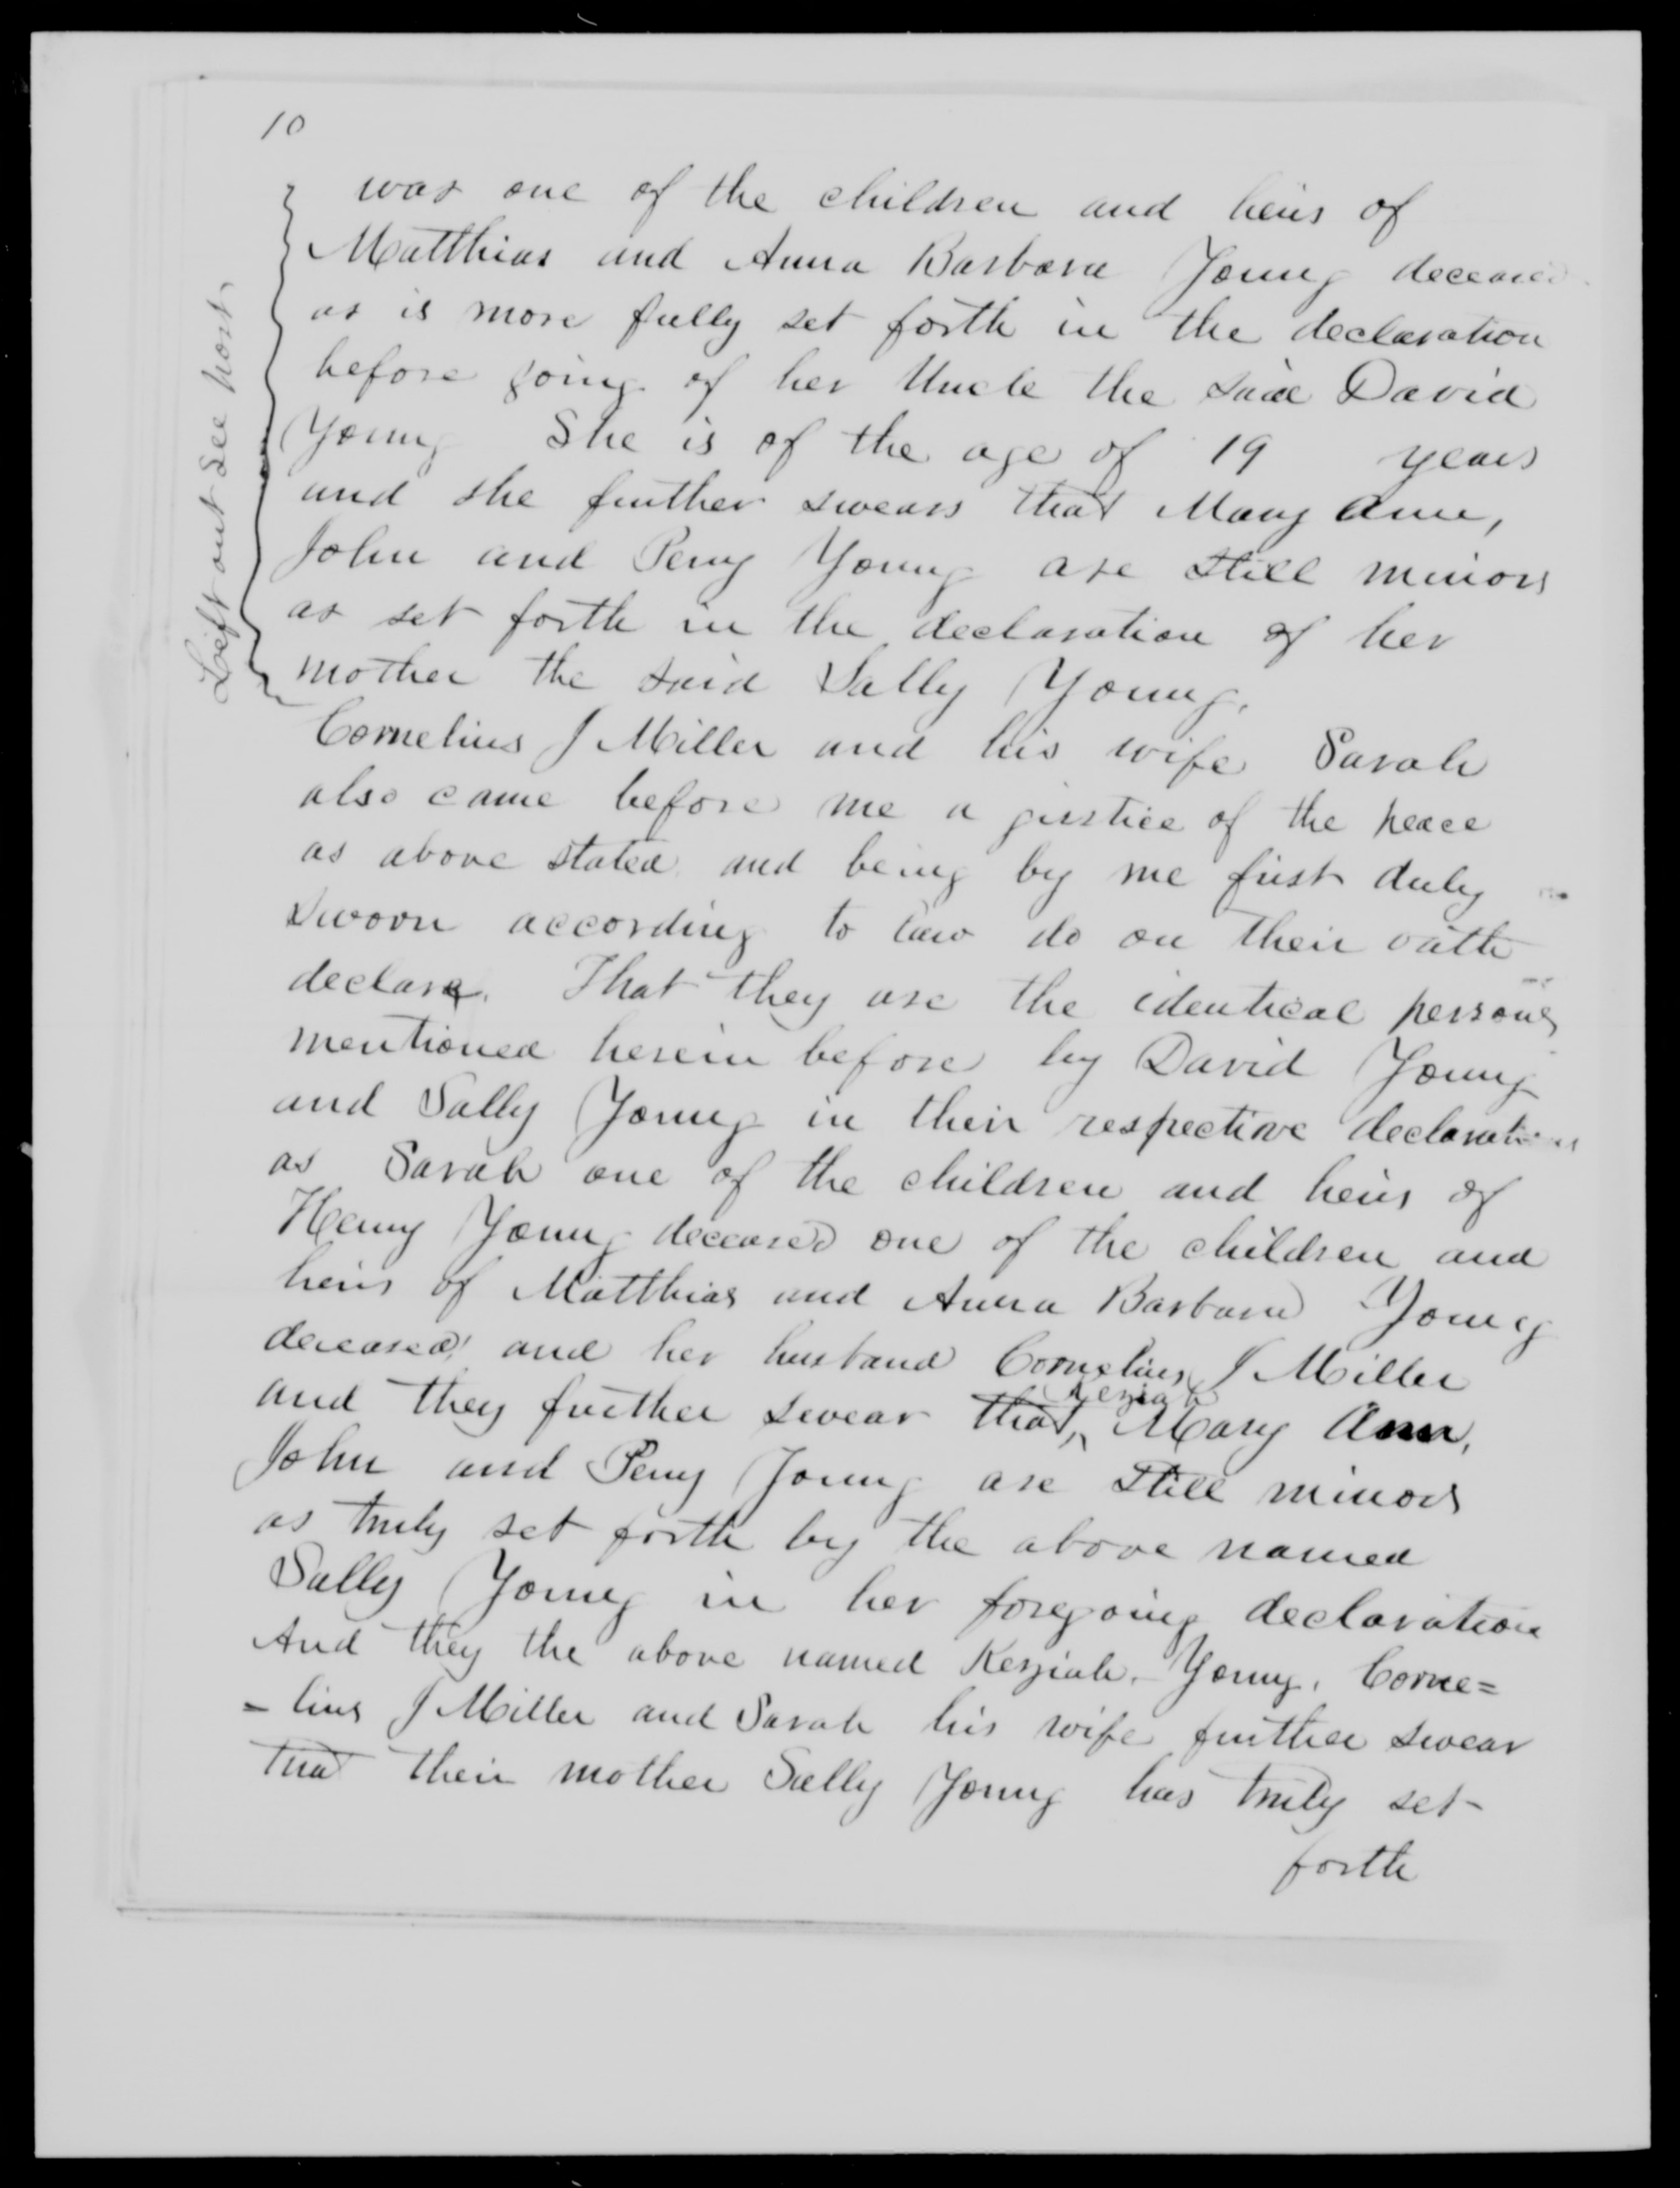10
[left margin note]
Left out see host

was one of the children and heirs of
Matthias and Anna Barbara Young deceased
as is more fully set forth in the declaration
before going of her Uncle the said David
Young. She is of the age of 19 years
and she further swears that Mary Anne,
John and Perry Young are still minors
as set forth in the declaration of her
mother the said Sally Young,
Cornelius J Miller and his wife Sarah
also came before me a justice of the peace
as above stated and being by me first duly
Sworn according to law do on their oath
declare. That they are the identical persons
mentioned herein before by David Young
and Sally Young in their respective declarations, 
as Sarah one of the children and heirs of
Henry Young deceased, one of the children and
heirs of Matthias and Anna Barbara Young
deceased, and her husband Cornelius Miller
and they further swear that Keziah, Mary Ann,
John and Perry Young are still minors
as truly set forth by the above named
Sally Young in her foregoing declaration.
And they the above named Keziah Young, Cornelius Miller and Sarah his wife further swear
that their mother Sally Young has truly set
forth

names: Matthias, John, Mary Ann, Anna Barbara Young, Sarah, Keziah Young, David Young, Henry Young, Sally Young, Perry Young, Cornelius J Miller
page: 29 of 123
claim: rejected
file: R. 11,949, Matthias Young, Md.